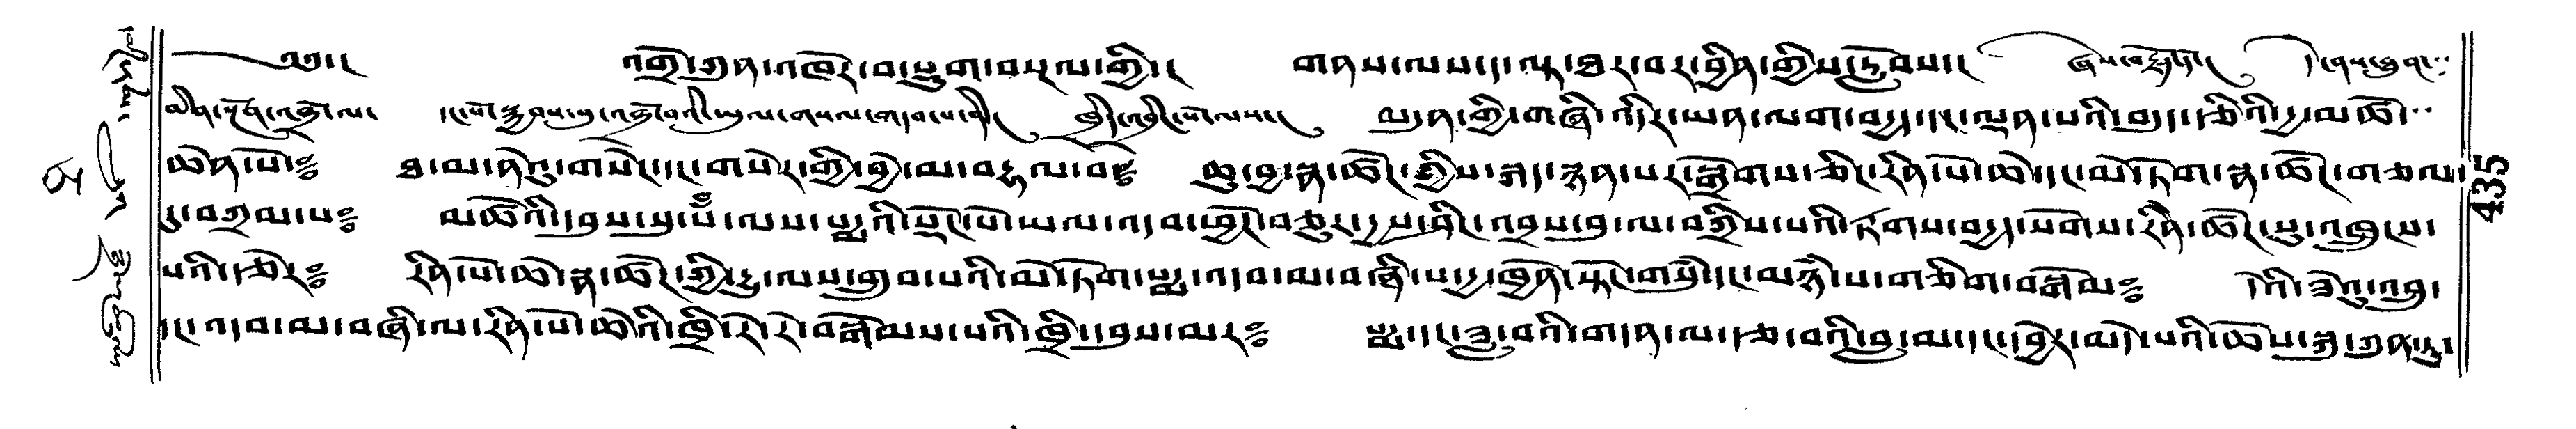འགྲོ་ཀུན་འཁོར་བ་སྡུག་བསྔལ་གྱི། །གནས་ལས་ད་ལྟ་ཐར་བར་བྱིན་གྱིས་རློབས། ཞེས་བརྗོད་དོ། དེ་ནས་ཐུན་
མིན་སྔོན་འགྲོ་ལ། དང་པོ་སྐྱབས་སུ་འགྲོ་བའི་ཡུལ་གསལ་གདབ་པ་ནི། ཁྲིད་འབྲིང་པོ་ལས། མདུན་གྱི་གཞི་འདིར་ཡན་ལག་བརྒྱད་དང་ལྡན་པའི་བདུད་རྩིའི་རྒྱ་མཚོ་
ཆེན་པོ༔ མཐའ་མ་ནེའུ་གསིང་དང་གསེར་གྱི་བྱེ་མ་བརྡལ་བ༔ ཆུ་བྱ་སྣ་ཚོགས་ཀྱིས་སྐད་སྙན་པར་སྒྲོག་ཅིང་རིན་པོ་ཆེ་དང་མེ་ཏོག་སྣ་ཚོགས་གཅལ་
དུ་བཀྲམ་པ༔མཚོའི་དབུས་སུ་པྃ་ལས་པདྨའི་སྡོང་པོ་ཡལ་འདབ་ཕྱོགས་བཅུར་རྒྱས་ཤིང་འབྲས་བུ་ལ་བཀྲ་ཤིས་པའི་རྟགས་བརྒྱད་སོགས་རིན་ཆེན་ཚོགས་སུ་འཁྲུངས་
པའི་རྩེར༔ རིན་པོ་ཆེ་སྣ་ཚོགས་ཀྱི་རྒྱུ་ལས་གྲུབ་པའི་མེ་ཏོག་པདྨ་འདབ་མ་བཞི་པ་རྒྱ་ཁྱོན་སྟོང་གསུམ་དང་མཉམ་པ་གཅིག་བསྒོམ༔ དེའི་ཟེའུ་འབྲུ་
དང་འདབ་མ་བཞི་ལ་རིན་པོ་ཆེའི་ཁྲི་རེ་རེ་བསྒོམས་པའི་ཁྲི་དབུས་མར༔ པདྨ་དང་ཟླ་བའི་གདན་ལ་རྩ་བའི་བླ་མ་དང་དབྱེར་མེད་པའི་ཆོས་སྐུ་ཀུན་ཏུ་